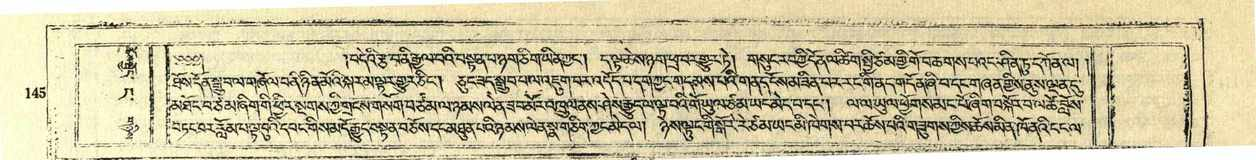༄༅༅། །བདེའི་རྩ་བ་ནི་རྒྱལ་བའི་བསྟན་པ་ཉག་ཅིག་ཡིན་ཀྱང་། ད་ལྟ་ཆེས་ཉག་ཕྲ་བར་གྱུར་ཏེ། གསུང་རབ་ཀྱི་དོན་ལ་ཚིག་སྤྱི་ཙམ་གྱི་གོ་བ་ཆགས་པའང་ཤིན་ཏུ་དཀོན་ལ། །
ཐོས་དོན་སྒྲུབ་ལ་གཞོལ་བ་ནི་ཉིན་མོའི་སྐར་མ་ལྟར་གྱུར་ཅིང་། ཅུང་ཟད་སྒྲུབ་པ་ལ་འཇུག་བར་འདོད་པ་དག་ཀྱང་གདམས་པའི་གནད་ངོས་མ་ཟིན་པར་རང་གི་ནད་གདོན་ཞི་བ་དང་གཞན་གྱིས་ནུས་ལྡན་དུ་
མཐོང་བ་ཙམ་ཞིག་གི་ཕྱིར་སྔགས་ཀྱི་གྲངས་གསོག་བ་ཙམ་ལ་ཉམས་ལེན་ཟབ་མོར་འཁྲུལ་ནས་ཤེས་རྒྱུད་ལ་ལྟ་བའི་གོ་ཡུལ་ཙམ་ཡང་མེད་པ་དང་། ལ་ལ་ཡུལ་ཕྱོགས་མང་པོ་ཞིག་བསྐོར་བ་ལ་ཚེ་བློས་
བཏང་བར་རློམ་པ་ལྟ་བུའི་དབང་གིས་མདོ་རྒྱུད་བསྟན་བཅོས་དང་མཐུན་པའི་ཉམས་ལེན་སྣ་གཅིག་ཀྱང་མེད་ལ། ཉེས་ལྟུང་གི་སྒོ་རེ་རེ་ཙམ་ཡང་མི་ཁེགས་པར་ཆོས་པའི་གཟུགས་ཀྱིས་ཆོས་མིན་ཁོ་ནའི་ངང་ལ་